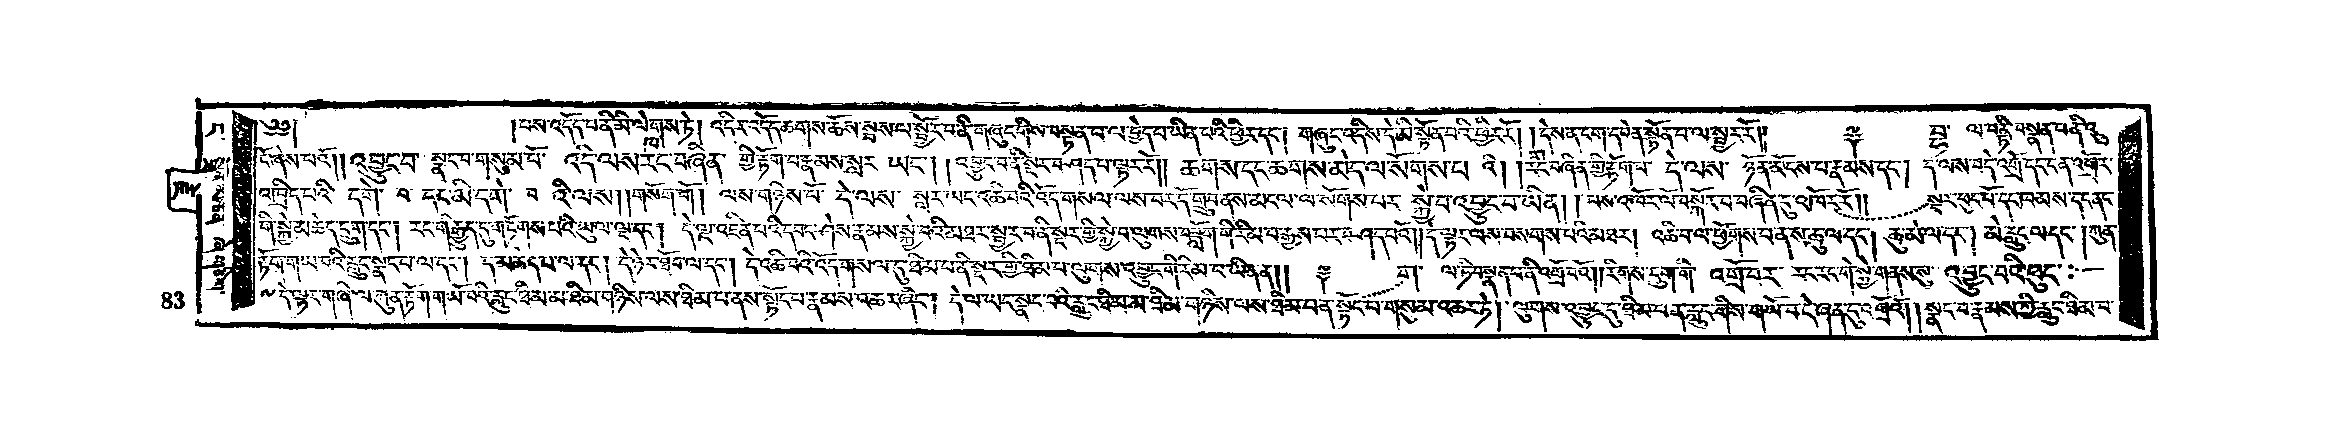༄༅། ། པས་འདོད་པ་ནི་མི་ལེགས་ཏེ། འདིར་འདོད་ཆགས་ཆོས་སྦས་ལ་སྦྱོར་བ་ནི་གཞུང་གིས་བསྟན་པ་ལ་བྱེད་པ་ཡིན་པའི་ཕྱིར་དང་། གཞུང་འདིས་དེ་མི་སྟོན་པའི་ཕྱིར་རོ། །དེས་ན་ངག་དབེན་སྟོན་པ་ལ་སྦྱར་རོ།།  ༈ བྷ་ལ་བནྟི་བསྣན་པ་ནི་འབྱུང་
ངོ་ཞེས་པའོ། །འབྱུང་བ་སྣང་བ་གསུམ་པོ་འདི་ལས་ཁ་རང་བཞིན་གྱི་རྟོག་པ་རྣམས་སླར་ཡང་། ། འབྱུང་བ་ནི་སྔར་བཤད་པ་ལྟར་རོ།  །ཆགས་དང་ཆགས་མེད་ལ་སོགས་པའི། །ག་རང་བཞིན་གྱི་རྟོག་པ་དེ་ལས་ཉོན་མོངས་པ་རྣམས་དང་། དེ་ལས་བདེ་འགྲོ་དང་ངན་འགྲོར་
འཁྲིད་པའི་དགེ་བ་དང་མི་དགེ་བའི་ལས། ། གསོག་གོ །ལས་གཉིས་པོ་དེ་ལས་སླར་ཡང་འཆི་བའི་འོད་གསལ་ལས་བར་དོ་གྲུབ་ནས་མངལ་ལ་སོགས་པར་སྐྱེ་བ་འབྱུང་བ་ཡིན། །པས་འཁོར་ལོ་བསྐོར་བ་བཞིན་དུ་འཁོར་རོ།། སྔར་ཕུང་པོ་དང་ཁམས་དང་ནང་
གི་སྐྱེ་མཆེད་དྲུག་དང་། རང་གི་རྒྱུད་དུ་གཏོགས་པའི་ཡུལ་ལྔ་དང་། དེ་ལྔ་འཛིན་པའི་དབང་ཤེས་རྣམས་སྐྱེ་བའི་མཐར་སྦྱར་བ་ནི་སྔར་གྱི་སྐྱེ་བ་ལུགས་བཟློག་གི་རིམ་པ་རྒྱས་པར་བཤད་པའོ། །དེ་ལྟར་ལས་བསགས་པའི་མཐར། འཆི་བ་ལ་ཕྱོགས་པ་ན་ས་ཆུ་ལ་དང་། ཆུ་མེ་ལ་དང་། མེ་རླུང་ལ་དང་། ཀུན་
རྟོག་གཡོ་བའི་རླུང་སྣང་བ་ལ་དང་། དེ་མཆེད་པ་ལ་དང་། དེ་ཉེར་ཐོབ་ལ་དང་། དེ་འཆི་བའི་འོད་གསལ་དུ་ཐིམ་པ་ནི་སྔར་གྱི་ཐིམ་པ་ལུགས་འབྱུང་གི་རིམ་པ་ཡིན་ནོ།། ༈ ག་ལ་ཏི་བསྣན་པ་ནི་འགྲོ་བའོ། །རིགས་དྲུག་གི་འགྲོ་བར་རང་རང་གི་སྐྱེ་གནས་སུ་འབྱུང་བའི་ཕུངཿ
༧དེ་ལྟར་གཞི་ལ་ཀུན་རྟོག་གཡོ་བའི་རླུང་ཐིམ་མ་ཐིམ་གཉིས་ལས་ཐིམ་པ་ནས་སྟོང་པ་རྣམས་འཆར་ཞིང་། དེ་ལ་ཡང་སྣང་བའི་རླུང་ཐིམ་མ་ཐིམ་གཉིས་ལས་ཐིམ་པ་ན་སྟོང་པ་གསུམ་འཆར་ཏེ། ལུགས་འབྱུང་དུ་ཐིམ་པ་ན་རླུང་གིས་གཡོ་བ་བཞིན་དུ་འགྲོའོ། །སྣང་བ་རྣམས་ཀྱི་རླུང་ཐིམ་པ་